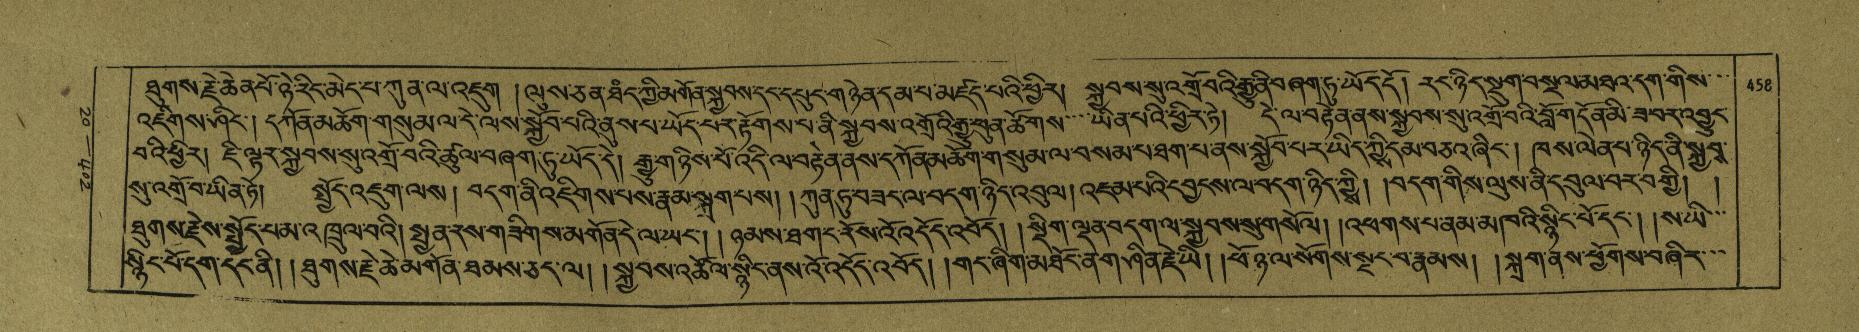ཐུགས་རྗེ་ཆེན་པོ་ཉེ་རིང་མེད་པ་ཀུན་ལ་འཇུག །ལུས་ཅན་ཐཾད་ཀྱི་མགོན་སྐྱབས་དང་དཔུང་གཉེན་དམ་པ་མཛད་པའི་ཕྱིར། སྐྱབས་སུ་འགྲོ་བའི་རྒྱུ་ནི་བཞག་ཏུ་ཡོད་དོ། རང་ཉིད་སྡུག་བསྔལ་མཐའ་དག་གིས་
འཇིགས་ཤིང་། དཀོན་མཆོག་གསུམ་ལ་དེ་ལས་སྐྱོབ་པའི་ནུས་པ་ཡོད་པར་རྟོགས་པ་ནི་སྐྱབས་འགྲོའི་རྒྱུ་ཕུན་ཚོགས་ཡིན་པའི་ཕྱིར་ཏེ། དེ་ལ་བརྟེན་ནས་སྐྱབས་སུ་འགྲོ་བའི་བློ་གདོན་མི་ཟ་བར་འབྱུང་
བའི་ཕྱིར། ཇི་ལྟར་སྐྱབས་སུ་འགྲོ་བའི་ཚུལ་བཞག་ཏུ་ཡོད་དེ། རྒྱུ་གཉིས་པོ་འདི་ལ་བརྟེན་ནས་དཀོན་མཆོག་གསུམ་ལ་བསམ་པ་ཐག་པ་ནས་སྐྱོབ་པར་ཡིད་ཀྱིས་དམ་བཅའ་ཞིང་། ཁས་ལེན་པ་ཉིད་ནི་སྐྱབས་
སུ་འགྲོ་བ་ཡིན་ཏེ། སྤྱོད་འཇུག་ལས། བདག་ནི་འཇིགས་པས་རྣམ་སྐྲག་པས། །ཀུན་ཏུ་བཟང་ལ་བདག་ཉིད་འབུལ། འཇམ་པའི་དབྱངས་ལ་བདག་ཉིད་ཀྱིས། །བདག་གིས་ལུས་ནི་དབུལ་བར་བགྱི། །
ཐུགས་རྗེས་སྤྱོད་པ་མ་འཁྲུལ་བའི། སྤྱན་རས་གཟིགས་མགོན་དེ་ལ་ཡང་། །ཉམས་ཐག་ང་རོས་འོ་འདོད་འབོད། །སྡིག་ལྡན་བདག་ལ་སྐྱབས་སུ་གསོལ། །འཕགས་པ་ནམ་མཁའི་སྙིང་པོ་དང་། །ས་ཡི་
སྙིང་པོ་དག་དང་ནི། །ཐུགས་རྗེ་ཆེ་མགོན་ཐམས་ཅད་ལ། །སྐྱབས་འཚོལ་སྙིང་ནས་འོ་འདོད་འབོད། །གང་ཞིག་མཐོང་ན་གཤིན་རྗེ་ཡི། །ཕོ་ཉ་ལ་སོགས་སྡང་བ་རྣམས། །སྐྲག་ནས་ཕྱོགས་བཞིན་